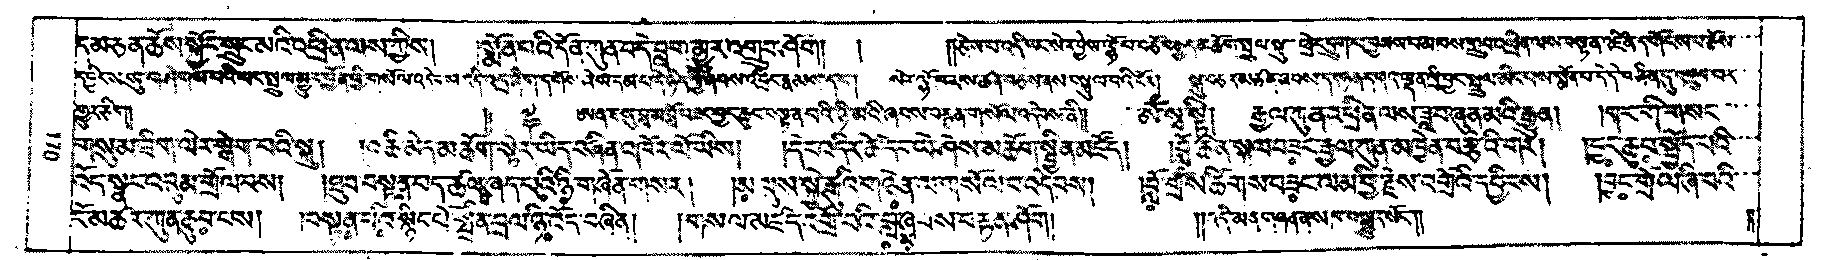དམ་ཅན་ཆོས་སྐྱོང་སྲུང་མའི་འཕྲིན་ལས་ཀྱིས། །སྨོན་པའི་དོན་ཀུན་བདེ་བླག་མྱུར་འགྲུབ་ཤོག ། །།ཅེས་པ་འདི་ཡང་སེར་བྱེས་ལྷོ་པ་བཅོ་བརྒྱད་མཆོག་སྤྲུལ་སྐུ་ཕྲེང་དྲུག་པ་བྱམས་པ་མཁས་གྲུབ་འཕྲིན་ལས་བསྟན་འཛིན་དགོངས་པ་ཆོས་
དབྱིངས་སུ་གཤེགས་པའི་ཡང་སྤྲུལ་མྱུར་བྱོན་གྱི་གསོལ་འདེབས་འདི་འདྲ་ཞིག་དགོས་ཞེས་དམ་པ་དེ་ཉིད་ཀྱི་ཞབས་འབྲིང་རྣམས་དང་། སེར་ལྷོ་ཁམས་ཚན་བཅས་ནས་བསྐུལ་བའི་ངོར། །སྐུ་བཅར་མཚན་ཞབས་དར་ཧན་དགའ་ལྡན་ཁྲི་བྱང་སྤྲུལ་མིང་པས་སྨོན་པ་དེ་དེ་བཞིན་དུ་འགྲུབ་པར་
གྱུར་ཅིག ། །། ༈ ཨན་ཇ་སུ་བླ་མ་བློ་བཟང་བྱང་ཆུབ་བསྟན་པའི་ཉི་མའི་ཞབས་བརྟན་གསོལ་འདེབས་ནི།། ཨོཾ་སྭ་སྟི། རྒྱལ་ཀུན་འཕྲིན་ལས་ཟླ་བ་ཞུན་མའི་རྒྱུན། །གང་གི་གསང་
གསུམ་ཐིག་ལེར་སྒེག་པའི་སྐུ། །འཆི་མེད་མཆོག་སྟེར་ཡིད་བཞིན་འཁོར་ལོ་ཡིས། །དེང་འདིར་ཚེ་དང་ཡེ་ཤེས་མཆོག་སྦྱིན་མཛོད། །བློ་ཆེན་སྐལ་བཟང་རྒྱལ་ཀུན་མཁྱེན་བརྩེའི་གར། །བྱང་ཆུབ་སྤྱོད་པའི་
འོད་སྣང་འབུམ་གྲོལ་བས། །ཐུབ་བསྟན་པད་ཚལ་བཞད་པའི་ཉི་གཞོན་གསར། །མ་ལུས་སྐྱེ་རྒུའི་གཉེན་ལ་གསོལ་བ་འདེབས། །བློ་གྲོས་ཚིགས་བཟང་ལམ་གྱི་རྗེས་འགྲོའི་དབྱིངས། །བྱང་གྲོལ་ཞི་བའི་
ངོ་མཚར་ཀུན་ཆུབ་པས། །བསྟན་པའི་སྙིང་པོ་སྤྲིན་བྲལ་ཉི་འོད་བཞིན། །གསལ་མཛད་འགྲོ་བའི་བླ་མ་ཞབས་བརྟན་ཤོག ། །། འདི་མན་གཞན་ནས་ཁ་བསྒྱུར་སོང།།  །།